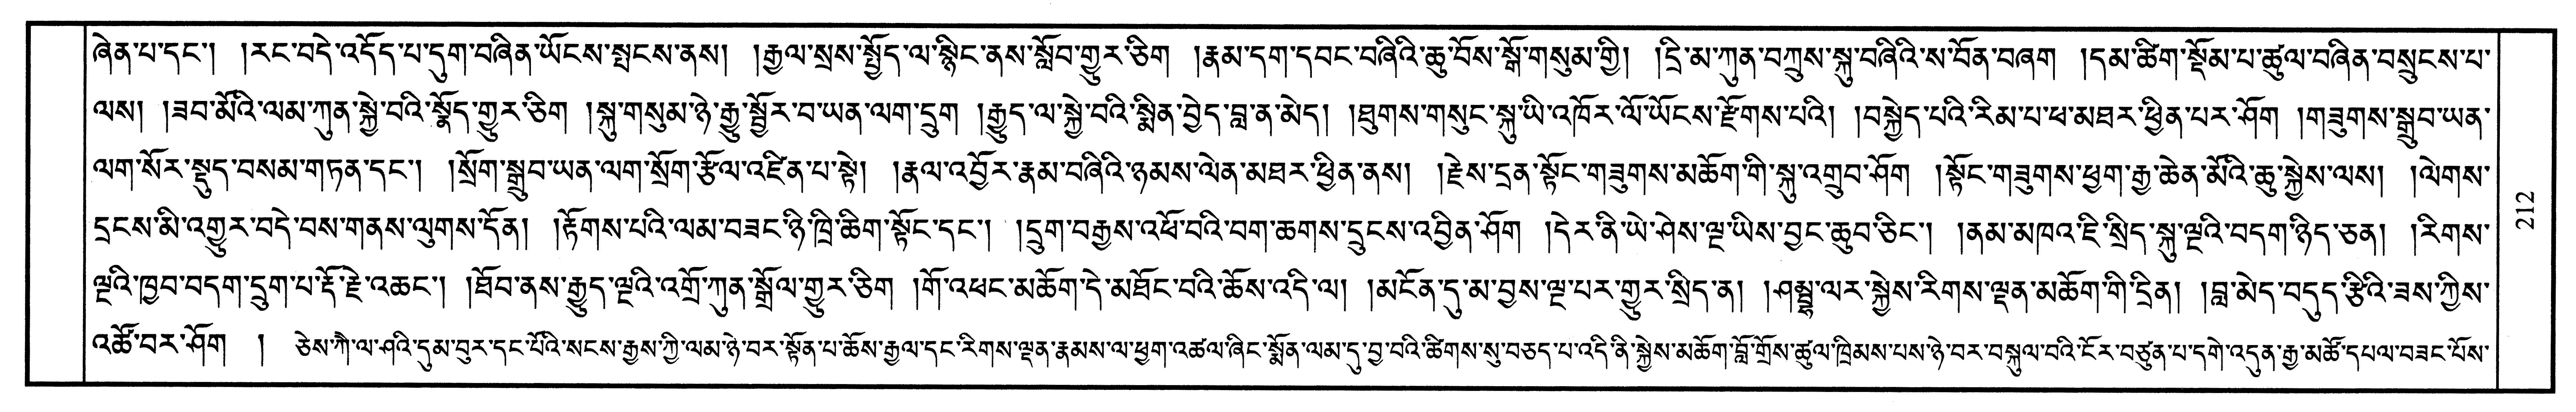ཞེན་པ་དང་། །རང་བདེ་འདོད་པ་དུག་བཞིན་ཡོངས་སྤངས་ནས། །རྒྱལ་སྲས་སྤྱོད་ལ་སྙིང་ནས་སློབ་གྱུར་ཅིག །རྣམ་དག་དབང་བཞིའི་ཆུ་བོས་སྒོ་གསུམ་གྱི། །དྲི་མ་ཀུན་བཀྲུས་སྐུ་བཞིའི་ས་བོན་བཞག །དམ་ཚིག་སྡོམ་པ་ཚུལ་བཞིན་བསྲུངས་པ་
ལས། །ཟབ་མོའི་ལམ་ཀུན་སྐྱེ་བའི་སྣོད་གྱུར་ཅིག །སྐུ་གསུམ་ཉེ་རྒྱུ་སྦྱོར་བ་ཡན་ལག་དྲུག །རྒྱུད་ལ་སྐྱེ་བའི་སྨིན་བྱེད་བླ་ན་མེད། །ཐུགས་གསུང་སྐུ་ཡི་འཁོར་ལོ་ཡོངས་རྫོགས་པའི། །བསྐྱེད་པའི་རིམ་པ་ཕ་མཐར་ཕྱིན་པར་ཤོག །གཟུགས་སྒྲུབ་ཡན་
ལག་སོར་སྡུད་བསམ་གཏན་དང་། །སྲོག་སྒྲུབ་ཡན་ལག་སྲོག་རྩོལ་འཛིན་པ་སྟེ། །རྣལ་འབྱོར་རྣམ་བཞིའི་ཉམས་ལེན་མཐར་ཕྱིན་ནས། །རྗེས་དྲན་སྟོང་གཟུགས་མཆོག་གི་སྐུ་འགྲུབ་ཤོག །སྟོང་གཟུགས་ཕྱག་རྒྱ་ཆེན་མོའི་ཆུ་སྐྱེས་ལས། །ལེགས་
དྲངས་མི་འགྱུར་བདེ་བས་གནས་ལུགས་དོན། །རྟོགས་པའི་ལམ་བཟང་ཉི་ཁྲི་ཆིག་སྟོང་དང་། །དྲུག་བརྒྱས་འཕོ་བའི་བག་ཆགས་དྲུངས་འབྱིན་ཤོག །དེར་ནི་ཡེ་ཤེས་ལྔ་ཡིས་བྱང་ཆུབ་ཅིང་། །ནམ་མཁའ་ཇི་སྲིད་སྐུ་ལྔའི་བདག་ཉིད་ཅན། །རིགས་
ལྔའི་ཁྱབ་བདག་དྲུག་པ་རྡོ་རྗེ་འཆང་། །ཐོབ་ནས་རྒྱུད་ལྔའི་འགྲོ་ཀུན་སྒྲོལ་གྱུར་ཅིག །གོ་འཕང་མཆོག་དེ་མཐོང་བའི་ཆོས་འདི་ལ། །མངོན་དུ་མ་བྱས་ལྔ་པར་གྱུར་སྲིད་ན། །ཤམྦྷ་ལར་སྐྱེས་རིགས་ལྡན་མཆོག་གི་དྲིན། །བླ་མེད་བདུད་རྩིའི་ཟས་ཀྱིས་
འཚོ་བར་ཤོག །ཅེས་ཀཻ་ལ་ཤའི་དུམ་བུར་དང་པོའི་སངས་རྒྱས་ཀྱི་ལམ་ཉེ་བར་སྟོན་པ་ཆོས་རྒྱལ་དང་རིགས་ལྡན་རྣམས་ལ་ཕྱག་འཚལ་ཞིང་སྨོན་ལམ་དུ་བྱ་བའི་ཚིགས་སུ་བཅད་པ་འདི་ནི་སྐྱེས་མཆོག་བློ་གྲོས་ཚུལ་ཁྲིམས་པས་ཉེ་བར་བསྐུལ་བའི་ངོར་བཙུན་པ་དགེ་འདུན་རྒྱ་མཚོ་དཔལ་བཟང་པོས་